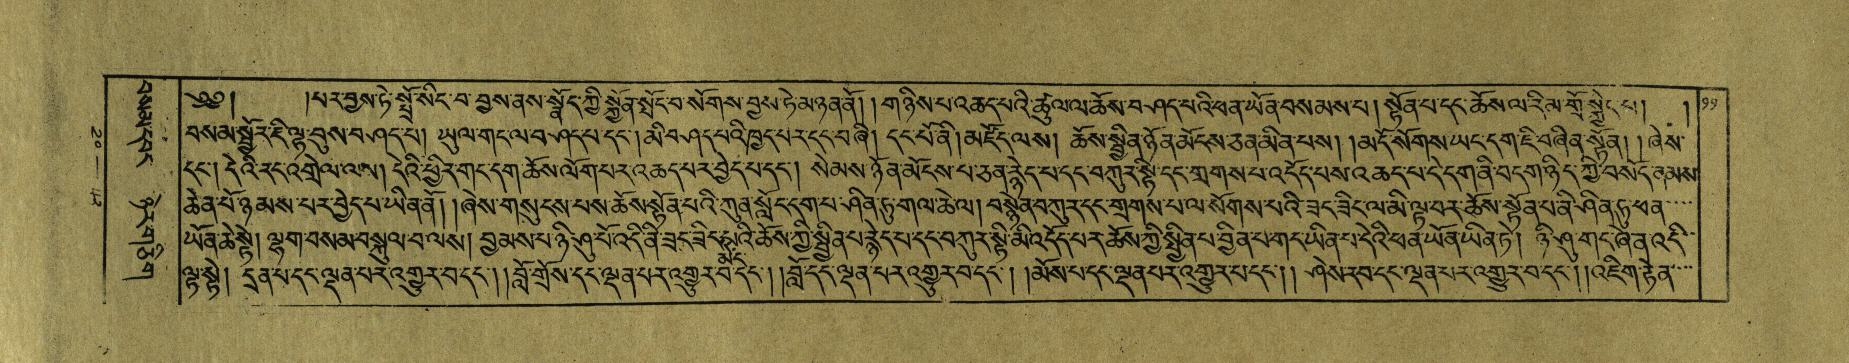༄༅། །པར་བྱས་ཏེ་སྤྲོ་སིང་བ་བྱས་ནས་སྣོད་ཀྱི་སྐྱོན་སྤོང་བ་སོགས་བྱས་ཏེ་མཉན་ནོ། །གཉིས་པ་འཆད་པའི་ཚུལ་ལ་ཆོས་བཤད་པའི་ཕན་ཡོན་བསམས་པ། སྟོན་པ་དང་ཆོས་ལ་རིམ་གྲོ་སྐྱེད་པ། །
བསམ་སྦྱོར་ཇི་ལྟ་བུས་བཤད་པ། ཡུལ་གང་ལ་བཤད་པ་དང་། མི་བཤད་པའི་ཁྱད་པར་དང་བཞི། དང་པོ་ནི། མཛོད་ལས། ཆོས་སྦྱིན་ཉོན་མོངས་ཅན་མིན་པས། །མདོ་སོགས་ཡང་དག་ཇི་བཞིན་སྟོན། །ཞེས་
དང་། དེའི་རང་འགྲེལ་ལས། དེའི་ཕྱིར་གང་དག་ཆོས་ལོག་པར་འཆད་པར་བྱེད་པ་དང་། སེམས་ཉོན་མོངས་པ་ཅན་རྙེད་པ་དང་བཀུར་སྟི་དང་གྲགས་པ་འདོད་པས་འཆད་པ་དེ་དག་ནི་བདག་ཉིད་ཀྱི་བསོད་ནམས་
ཆེན་པོ་ཉམས་པར་བྱེད་པ་ཡིན་ནོ། །ཞེས་གསུངས་པས་ཆོས་སྟོན་པའི་ཀུན་སློང་དག་པ་ཤིན་ཏུ་གལ་ཆེ་ལ། བསྙེན་བཀུར་དང་གྲགས་པ་ལ་སོགས་པའི་ཟང་ཟིང་ལ་མི་ལྟ་བར་ཆོས་སྟོན་པ་ནི་ཤིན་ཏུ་ཕན་
ཡོན་ཆེ་སྟེ། ལྷག་བསམ་བསྐུལ་བ་ལས། བྱམས་པ་ཉི་ཤུ་པོ་འདི་ནི་ཟང་ཟིང་མེད་པའི་ཆོས་ཀྱི་སྦྱིན་པ་རྙེད་པ་དང་བཀུར་སྟི་མི་འདོད་པར་ཆོས་ཀྱི་སྦྱིན་པ་བྱིན་པ་གང་ཡིན་པ་དེའི་ཕན་ཡོན་ཡིན་ཏེ། ཉི་ཤུ་གང་ཞེ་ན་འདི་
ལྟ་སྟེ། དྲན་པ་དང་ལྡན་པར་འགྱུར་བ་དང་། །བློ་གྲོས་དང་ལྡན་པར་འགྱུར་བ་དང་། །བློ་དང་ལྡན་པར་འགྱུར་བ་དང་། །མོས་པ་དང་ལྡན་པར་འགྱུར་པ་དང་། །ཤེས་རབ་དང་ལྡན་པར་འགྱུར་བ་དང་། །འཇིག་རྟེན་